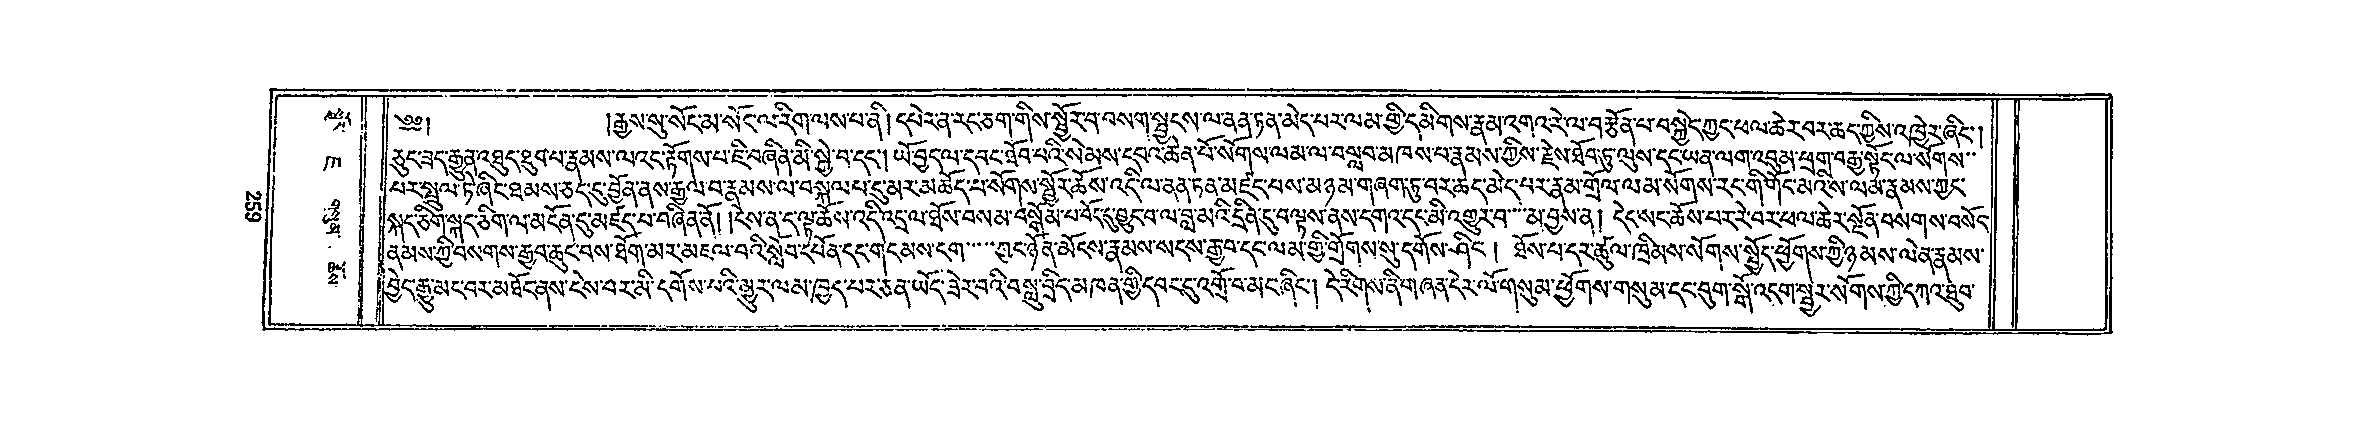༄༅། །རྒྱས་སུ་སོང་མ་སོང་ལ་རིག་ལས་པ་ནི། དཔེར་ན་རང་ཅག་གིས་སྦྱོར་བ་བསག་སྦྱངས་ལ་ནན་ཏན་མེད་པར་ལམ་གྱི་དམིགས་རྣམ་འགའ་རེ་ལ་བརྩོན་པ་བསྐྱེད་ཀྱང་ཕལ་ཆེར་བར་ཆད་ཀྱིས་འཁྱེར་ཞིང་།
ཅུང་ཟད་རྒྱུན་འཐུད་ཐུབ་པ་རྣམས་ལའང་རྟོགས་པ་ཇི་བཞིན་མི་སྐྱེ་བ་དང་། ཡོ་བྱད་ལ་དབང་ཐོབ་པའི་སེམས་དཔའ་ཆེན་པོ་སོགས་ལམ་ལ་བསླབ་མཁས་པ་རྣམས་ཀྱིས་རྗེས་ཐོབ་ཏུ་ལུས་དང་ཡན་ལག་འབུམ་ཕྲག་བརྒྱ་སྟོང་ལ་སོགས་
པར་སྤྲུལ་ཏེ་ཞིང་ཐམས་ཅད་དུ་བྱོན་ནས་རྒྱལ་བ་རྣམས་ལ་བསྐལ་པ་དུ་མར་མཆོད་པ་སོགས་སྦྱོར་ཆོས་འདི་ལ་ནན་ཏན་མཛད་པས་མཉམ་གཞག་ཏུ་བར་ཆད་མེད་པར་རྣམ་གྲོལ་ལམ་སོགས་རང་གི་གོང་མའི་ས་ལམ་རྣམས་ཀྱང་
སྐད་ཅིག་སྐད་ཅིག་ལ་མངོན་དུ་མཛད་པ་བཞིན་ནོ། །ངེས་ན་ད་ལྟ་ཆོས་འདི་འདྲ་ལ་ཐོས་བསམ་བསྒོམ་པ་བོད་དུ་བྱུང་བ་ལ་བླ་མའི་དྲིན་དུ་བལྟས་ནས་དགའ་དང་མི་འགྱུར་བ་མ་བྱས་ན། དེང་སང་ཆོས་པར་རེ་བར་ཕལ་ཆེར་སྔོན་བསགས་བསོད་
ནམས་ཀྱི་བསགས་རྒྱབ་ཆུང་བས་ཐོག་མར་མཇལ་བའི་སློབ་དཔོན་དང་གདམས་ངག་ཀྱང་ཉོན་མོངས་རྣམས་སངས་རྒྱ་བ་དང་ལམ་གྱི་གྲོགས་སུ་དགོས་ཤིང་། ཐོས་པ་དར་ཚུལ་ཁྲིམས་སོགས་སྤྱོད་ཕྱོགས་ཀྱི་ཉམས་ལེན་རྣམས་
བྱེད་རྒྱུ་མང་བར་མཐོང་ནས་ངེས་པར་མི་དགོས་པའི་མྱུར་ལམ་ཁྱད་པར་ཅན་ཡོད་ཟེར་བའི་བསླུ་བྲིད་མཁན་གྱི་དབང་དུ་འགྲོ་བ་མང་ཞིང་། དེ་རིགས་ནི་གཞན་དེར་ལོ་གསུམ་ཕྱོགས་གསུམ་དང་བུག་སྒོ་འདག་སྦྱར་སོགས་ཀྱི་དཀའ་ཐུབ་